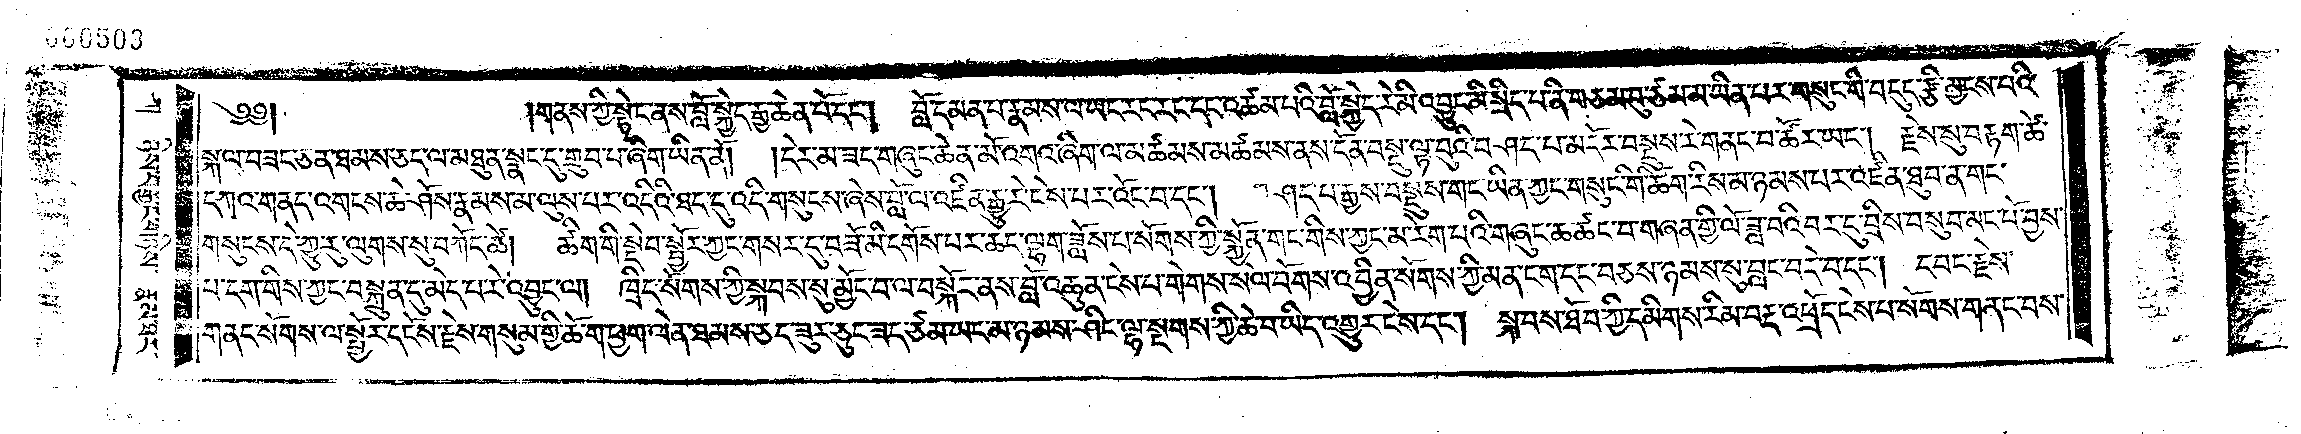༄༅། །གནས་ཀྱི་སྟེང་ནས་བློ་སྐྱེད་རྒྱ་ཆེན་པོ་དང་། བློ་དམན་པ་རྣམས་ལ་ཡང་རང་རང་དང་འཚམ་པའི་བློ་སྐྱེད་རེ་མི་འབྱུང་མི་སྲིད་པ་ནི་གཅམ་བུ་ཙམ་མ་ཡིན་པར་གསུང་གི་བདུད་རྩི་མྱངས་པའི་
སྐལ་བཟང་ཅན་ཐམས་ཅད་ལ་མཐུན་སྣང་དུ་གྲུབ་པ་ཞིག་ཡིན་ནོ། །དེར་མ་ཟད་གཞུང་ཆེན་མོ་འགའ་ཞིག་ལ་མཚམས་མཚམས་ནས་དོན་བསྡུ་ལྟ་བུའི་བཤད་པ་མདོར་བསྡུས་ཏེ་གནང་བ་ཚོར་ཡང་། རྗེས་སུ་བརྟག་ཚེ་
དཀའ་གནད་འགངས་ཆེ་ཤོས་རྣམས་མ་ལུས་པར་འདིའི་ཐད་དུ་འདི་གསུངས་ཞེས་བློ་ལ་འཛིན་རྒྱུ་རེ་ངེས་པར་འོང་བ་དང་། བཤད་པ་རྒྱས་བསྡུས་གང་ཡིན་ཀྱང་གསུང་གི་ཚིག་རིས་མ་ཉམས་པར་འཛིན་ཐུབ་ན་གང་
གསུངས་དེ་ཀྱུ་རུ་ལུགས་སུ་བཀོད་ཚེ། ཚིག་གི་སྡེབ་སྦྱོར་ཀྱང་གསར་དུ་བཟོ་མི་དགོས་པར་ཆད་ལྷག་ཟློས་པ་སོགས་ཀྱི་སྐྱོན་གང་གིས་ཀྱང་མ་རེག་པའི་གཞུང་ཆ་ཚང་བ་གཞན་གྱི་ལོ་ཟླ་བའི་བར་དུ་བྲིས་བསུབ་མང་པོ་བྱས་
པ་དག་གིས་ཀྱང་བསྐྲུན་དུ་མེད་པ་རེ་འབྱུང་ལ། ཁྲིད་སོགས་ཀྱི་སྐབས་སུ་མྱོང་བ་ལ་བསྐོར་ནས་བློ་འཆུན་ངེས་པ་གེགས་སེལ་པོགས་འབྱིན་སོགས་ཀྱི་མན་ངག་དང་བཅས་ཉམས་སུ་བླང་བདེ་བ་དང་། དབང་རྗེས་
གནང་སོགས་ལ་སྤྱོར་དངོས་རྗེས་གསུམ་གྱི་ཆོ་ག་ཕྱག་ལེན་ཐམས་ཅད་ཟུར་ཅུང་ཟད་ཙམ་ཡང་མ་ཉམས་ཤིང་ལྷ་སྔགས་ཀྱི་ཆེ་བ་ཡིད་འགྱུར་ངེས་དང་། སྐབས་ཐོབ་ཀྱི་དམིགས་རིམ་བརྡ་འཕྲོད་ངེས་པ་སོགས་གནང་བས་